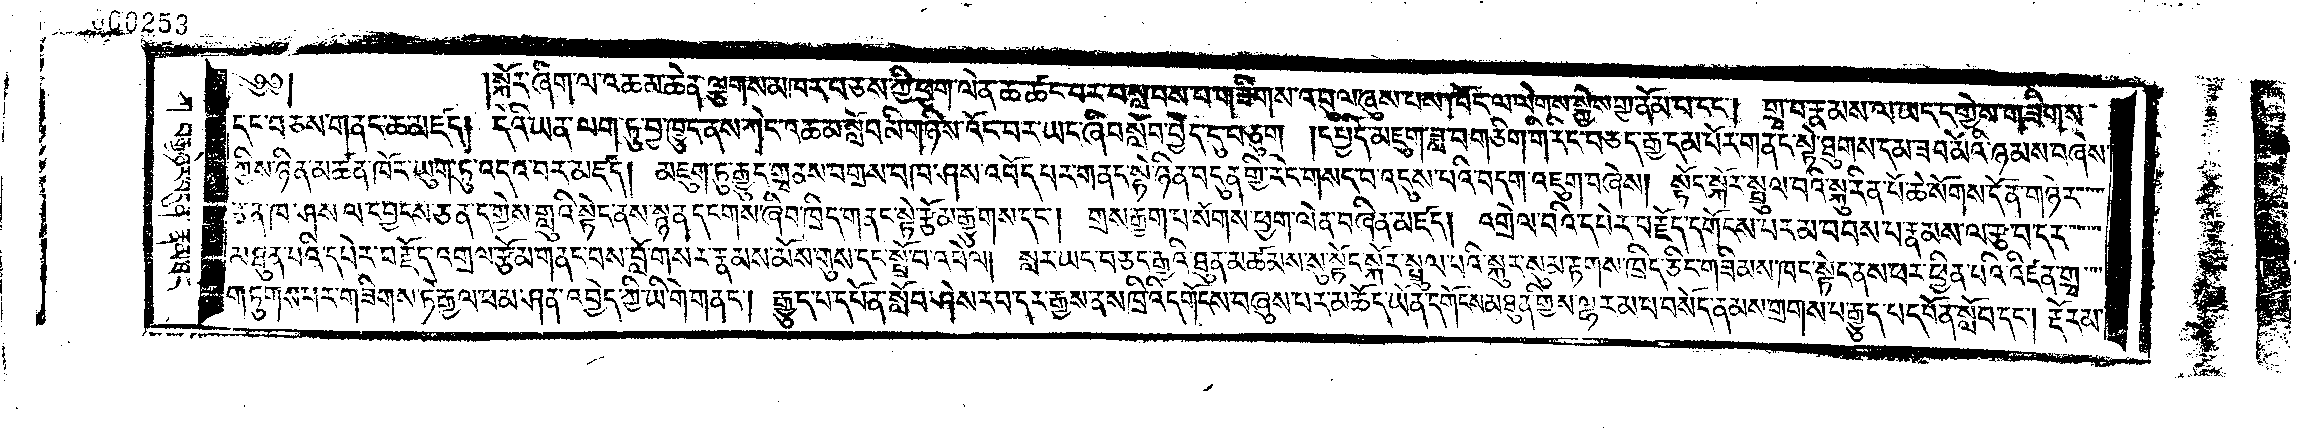༄༅། །སྐོར་ཞིག་ལ་འཆམ་ཆེན་ལྕགས་མཁར་བཅས་ཀྱི་ཕྱག་ལེན་ཆ་ཚང་བར་བསླབས་པ་གཟིགས་འབུལ་ཞུས་པས་ཁོང་ལ་ལེགས་སྐྱེས་གྱ་ནོམ་པ་དང་། གྲྭ་བ་རྣམས་ལ་ཡང་དགྱེས་གཟིགས་
དང་བཅས་གནང་ཆ་མཛད། དེའི་ཡན་ལག་ཏུ་བྱ་ཁྱུང་ནས་ཀེང་འཆམ་སློབ་མི་གཉིས་འོང་བར་ཡང་ཞིབ་སློབ་བྱེད་དུ་བཅུག །དཔྱིད་མཇུག་ཟླ་བ་གཅིག་གི་རིང་བཅད་རྒྱ་དམ་པོར་གནང་སྟེ་ཐུགས་དམ་ཟབ་མོའི་ཉམས་བཞེས་
ཀྱིས་ཉིན་མཚན་ཁོར་ཡུག་ཏུ་འདའ་བར་མཛད། མཇུག་ཏུ་རྒྱུད་གྲྭ་ནས་འགྲེས་པ་ཁ་ཤས་འབོད་པར་གནང་སྟེ་ཉིན་བདུན་གྱི་རིང་གསང་བ་འདུས་པའི་བདག་འཇུག་བཞེས། སྟོང་སྐོར་སྤྲུལ་པའི་སྐུ་རིན་པོ་ཆེ་སོགས་དོན་གཉེར་
ཅན་ཁ་ཤས་ལ་དབྱངས་ཅན་དགྱེས་གླུའི་སྟེང་ནས་སྙན་དངགས་ཞིབ་ཁྲིད་གནང་སྟེ་རྩོམ་རྒྱུགས་དང་། གྲས་རྒྱག་པ་སོགས་ཕྱག་ལེན་བཞིན་མཛད། འགྲེལ་པའི་དཔེར་བརྗོད་དགོངས་པར་མ་བབས་པ་རྣམས་ལ་རྩ་བ་དང་
མཐུན་པའི་དཔེར་བརྗོད་འཕྲལ་རྩོམ་གནང་བས་བློ་གསར་རྣམས་མོས་གུས་དང་སྤྲོ་བ་འྯེལ?། སླར་ཡང་བཅད་རྒྱའི་ཐུན་མཚམས་སུ་སྟོང་སྐོར་སྤྲུལ་པའི་སྐུར་སུམ་རྟགས་ཁྲིད་ཅིང་གཟིམས་ཁང་སྟེང་ནས་པར་ཕྱིན་པའི་འཛིན་གྲྭ་
གཏུགས་པར་གཟིགས་ཏེ་རྒྱལ་ཕམ་ཤན་འབྱེད་ཀྱི་ཡི་གེ་གནང་། རྒྱུད་པ་དཔོན་སློབ་ཤེས་རབ་དར་རྒྱས་ནས་ཁྲིའི་དགོངས་པ་ཞུས་པར་མཆོད་ཡོན་དགོངས་མཐུན་གྱིས་ལྷ་རམ་པ་བསོད་ནམས་གྲགས་པ་རྒྱུད་བ་དཔོན་སློབ་དང་། རྡོ་རམ་